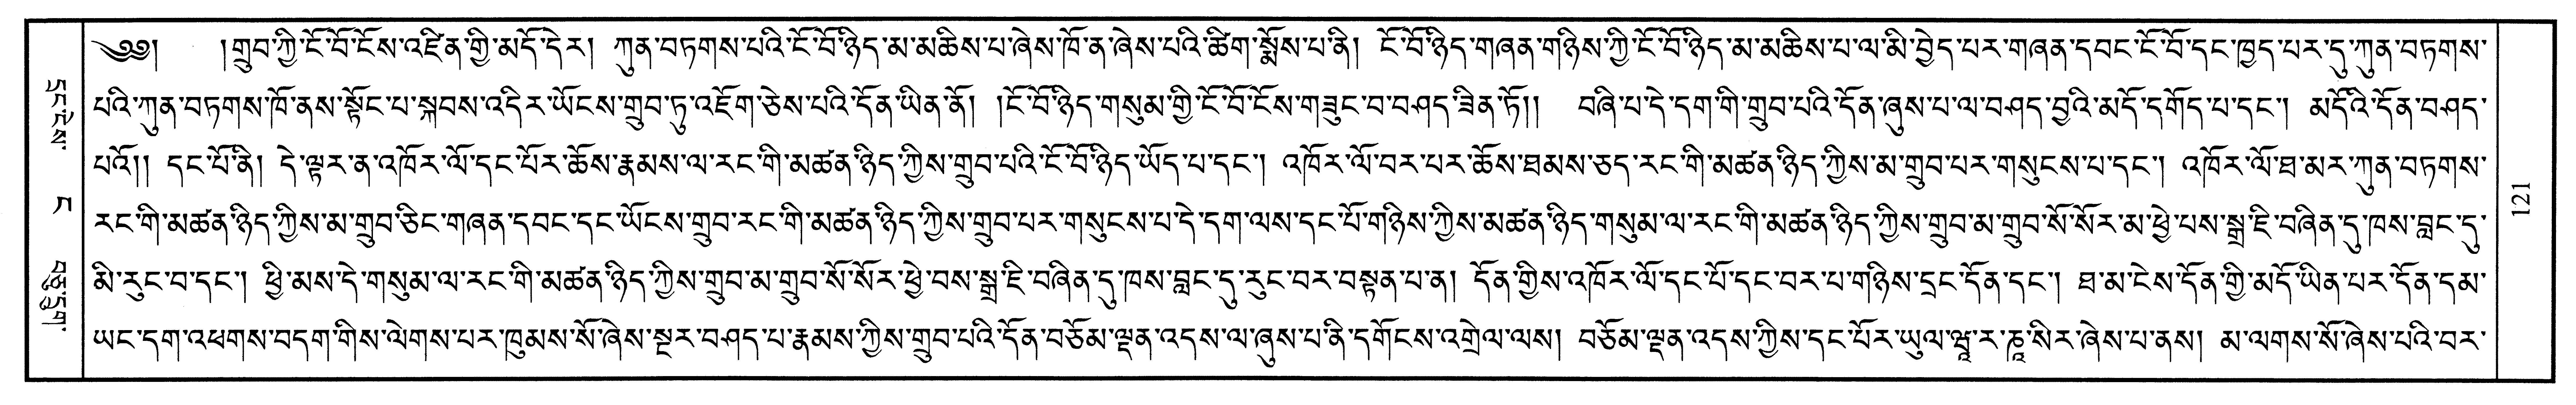༄༅། །གྲུབ་ཀྱི་ངོ་བོ་ངོས་འཛིན་གྱི་མདོ་དེར། ཀུན་བཏགས་པའི་ངོ་བོ་ཉིད་མ་མཆིས་པ་ཞེས་ཁོ་ན་ཞེས་པའི་ཚིག་སྨོས་པ་ནི། ངོ་བོ་ཉིད་གཞན་གཉིས་ཀྱི་ངོ་བོ་ཉིད་མ་མཆིས་པ་ལ་མི་བྱེད་པར་གཞན་དབང་ངོ་བོ་དང་ཁྱད་པར་དུ་ཀུན་བཏགས་
པའི་ཀུན་བཏགས་ཁོ་ནས་སྟོང་པ་སྐབས་འདིར་ཡོངས་གྲུབ་ཏུ་འཇོག་ཅེས་པའི་དོན་ཡིན་ནོ། །ངོ་བོ་ཉིད་གསུམ་གྱི་ངོ་བོ་ངོས་གཟུང་བ་བཤད་ཟིན་ཏོ།། བཞི་པ་དེ་དག་གི་གྲུབ་པའི་དོན་ཞུས་པ་ལ་བཤད་བྱའི་མདོ་དགོད་པ་དང་། མདོའི་དོན་བཤད་
པའོ།། དང་པོ་ནི། དེ་ལྟར་ན་འཁོར་ལོ་དང་པོར་ཆོས་རྣམས་ལ་རང་གི་མཚན་ཉིད་ཀྱིས་གྲུབ་པའི་ངོ་བོ་ཉིད་ཡོད་པ་དང་། འཁོར་ལོ་བར་པར་ཆོས་ཐམས་ཅད་རང་གི་མཚན་ཉིད་ཀྱིས་མ་གྲུབ་པར་གསུངས་པ་དང་། འཁོར་ལོ་ཐ་མར་ཀུན་བཏགས་
རང་གི་མཚན་ཉིད་ཀྱིས་མ་གྲུབ་ཅིང་གཞན་དབང་དང་ཡོངས་གྲུབ་རང་གི་མཚན་ཉིད་ཀྱིས་གྲུབ་པར་གསུངས་པ་དེ་དག་ལས་དང་པོ་གཉིས་ཀྱིས་མཚན་ཉིད་གསུམ་ལ་རང་གི་མཚན་ཉིད་ཀྱིས་གྲུབ་མ་གྲུབ་སོ་སོར་མ་ཕྱེ་པས་སྒྲ་ཇི་བཞིན་དུ་ཁས་བླང་དུ་
མི་རུང་བ་དང་། ཕྱི་མས་དེ་གསུམ་ལ་རང་གི་མཚན་ཉིད་ཀྱིས་གྲུབ་མ་གྲུབ་སོ་སོར་ཕྱེ་བས་སྒྲ་ཇི་བཞིན་དུ་ཁས་བླང་དུ་རུང་བར་བསྟན་པ་ན། དོན་གྱིས་འཁོར་ལོ་དང་པོ་དང་བར་པ་གཉིས་དྲང་དོན་དང་། ཐ་མ་ངེས་དོན་གྱི་མདོ་ཡིན་པར་དོན་དམ་
ཡང་དག་འཕགས་བདག་གིས་ལེགས་པར་ཁུམས་སོ་ཞེས་སྔར་བཤད་པ་རྣམས་ཀྱིས་གྲུབ་པའི་དོན་བཅོམ་ལྡན་འདས་ལ་ཞུས་པ་ནི་དགོངས་འགྲེལ་ལས། བཅོམ་ལྡན་འདས་ཀྱིས་དང་པོར་ཡུལ་ཝཱ་ར་ཎཱ་སིར་ཞེས་པ་ནས། མ་ལགས་སོ་ཞེས་པའི་བར་